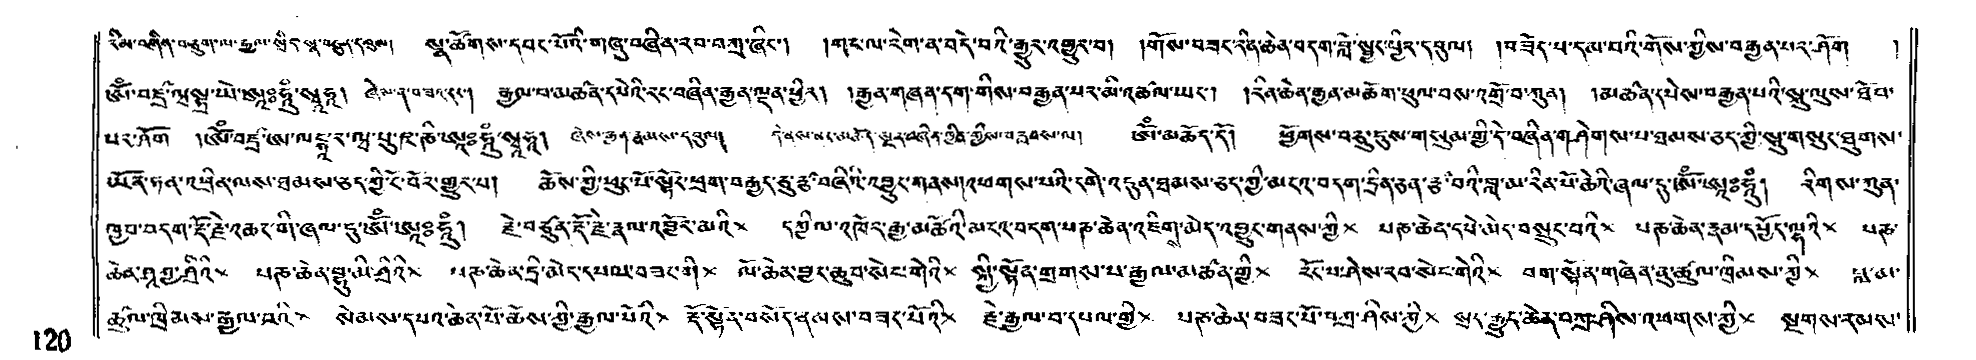རིམ་བཞིན་བཅུ་ལ་རྒྱལ་སྲིད་སྣ་བཅུར་དབུས། སྣ་ཚོགས་དབང་པོའི་གཞུ་བཞིན་རབ་བཀྲ་ཞིང་། །གང་ལ་རེག་ན་བདེ་བའི་རྒྱུར་འགྱུར་བ། །གོས་བཟང་རིན་ཆེན་བདག་བློ་སྦྱོང་ཕྱིར་དབུལ། །བཟོད་པ་དམ་པའི་གོས་ཀྱིས་བརྒྱན་པར་ཤོག །
ཨོཾ་བཛྲ་ལྭ་སྟྲ་ཡེ་ཨཱཿ ཧཱུཾ་སྭཱ་ཧཱ། ཞེས་ན་བཟའ་དང་།  རྒྱལ་བ་མཚན་དཔེའི་རང་བཞིན་རྒྱན་ལྡན་ཕྱིར། །རྒྱན་གཞན་དག་གིས་བརྒྱན་པར་མི་འཚལ་ཡང་། །རིན་ཆེན་རྒྱན་མཆོག་ཕུལ་བས་འགྲོ་བ་ཀུན། །མཚན་དཔེས་བརྒྱན་པའི་སྐུ་ལུས་ཐོབ་
པར་ཤོག །ཨོཾ་བཛྲ་ཨ་ལངྐཱ་ར་ལྭ་པུ་ཥ་ཎི་ཨཱཿ ཧཱུཾ་སྭཱ་ཧཱ། ཞེས་རྒྱན་རྣམས་དབུལ། དེ་ནས་ནང་མཆོད་སྔར་བཞིན་བྱིན་གྱིས་བརླབས་ལ།  ཨོཾ་མཆོད་དོ། །ཕྱོགས་བཅུ་དུས་གསུམ་གྱི་དེ་བཞིན་གཤེགས་པ་ཐམས་ཅད་ཀྱི་སྐུ་གསུང་ཐུགས་
ཡོན་ཏན་འཕྲིན་ལས་ཐམས་ཅད་ཀྱི་ངོ་བོར་གྱུར་པ། ཆོས་ཀྱི་ཕུང་པོ་སྟོང་ཕྲག་བརྒྱད་ཅུ་རྩ་བཞིའི་འབྱུང་གནས། འཕགས་པའི་དགེ་འདུན་ཐམས་ཅད་ཀྱི་མངའ་བདག་དྲིན་ཅན་རྩ་བའི་བླ་མ་རིན་པོ་ཆེའི་ཞལ་དུ་ཨོཾ་ཨཱཿ ཧཱུཾ། རིགས་ཀུན་
ཁྱབ་བདག་རྡོ་རྗེ་འཆང་གི་ཞལ་དུ་ཨོཾ་ཨཱཿ ཧཱུཾ། རྗེ་བཙུན་རྡོ་རྗེ་རྣལ་འབྱོར་མའི་྾་དཀྱིལ་འཁོར་རྒྱ་མཚོའི་མངའ་བདག་པཎ་ཆེན་འཇིགས་མེད་འབྱུང་གནས་ཀྱི་྾་པཎ་ཆེན་དཔེ་མེད་བསྲུང་བའི་྾་པཎ་ཆེན་རྣམ་དཔྱོད་ལྷའི་྾་པཎ་
ཆེན་ཤཱཀྱ་ཤྲཱི་྾་པཎ་ཆེན་བྷུ་མི་ཤྲིའི་྾་པཎ་ཆེན་དྲི་མེད་དཔལ་བཟང་གི་྾་ལོ་ཆེན་བྱང་ཆུབ་སེང་གེའི་྾་སྐྱི་སྟོན་གྲགས་པ་རྒྱལ་མཚན་གྱི་྾་རོང་པ་ཤེས་རབ་སེང་གེའི་྾་བག་སྟོན་གཞོན་ནུ་ཚུལ་ཁྲིམས་ཀྱི་྾་བླ་མ་
ཚུལ་ཁྲིམས་རྒྱལ་བའི་྾་སེམས་དཔའ་ཆེན་པོ་ཆོས་ཀྱི་རྒྱལ་པོའི་྾་རྡོ་སྟོན་བསོད་ནམས་བཟང་པོའི་྾་རྗེ་རྒྱལ་བ་དཔལ་གྱི་྾་པཎ་ཆེན་བཟང་པོ་བཀྲ་ཤིས་ཀྱི་྾་སྲད་རྒྱུད་ཆེན་བཀྲ་ཤིས་འཕགས་ཀྱི་྾་སྔགས་རམས་